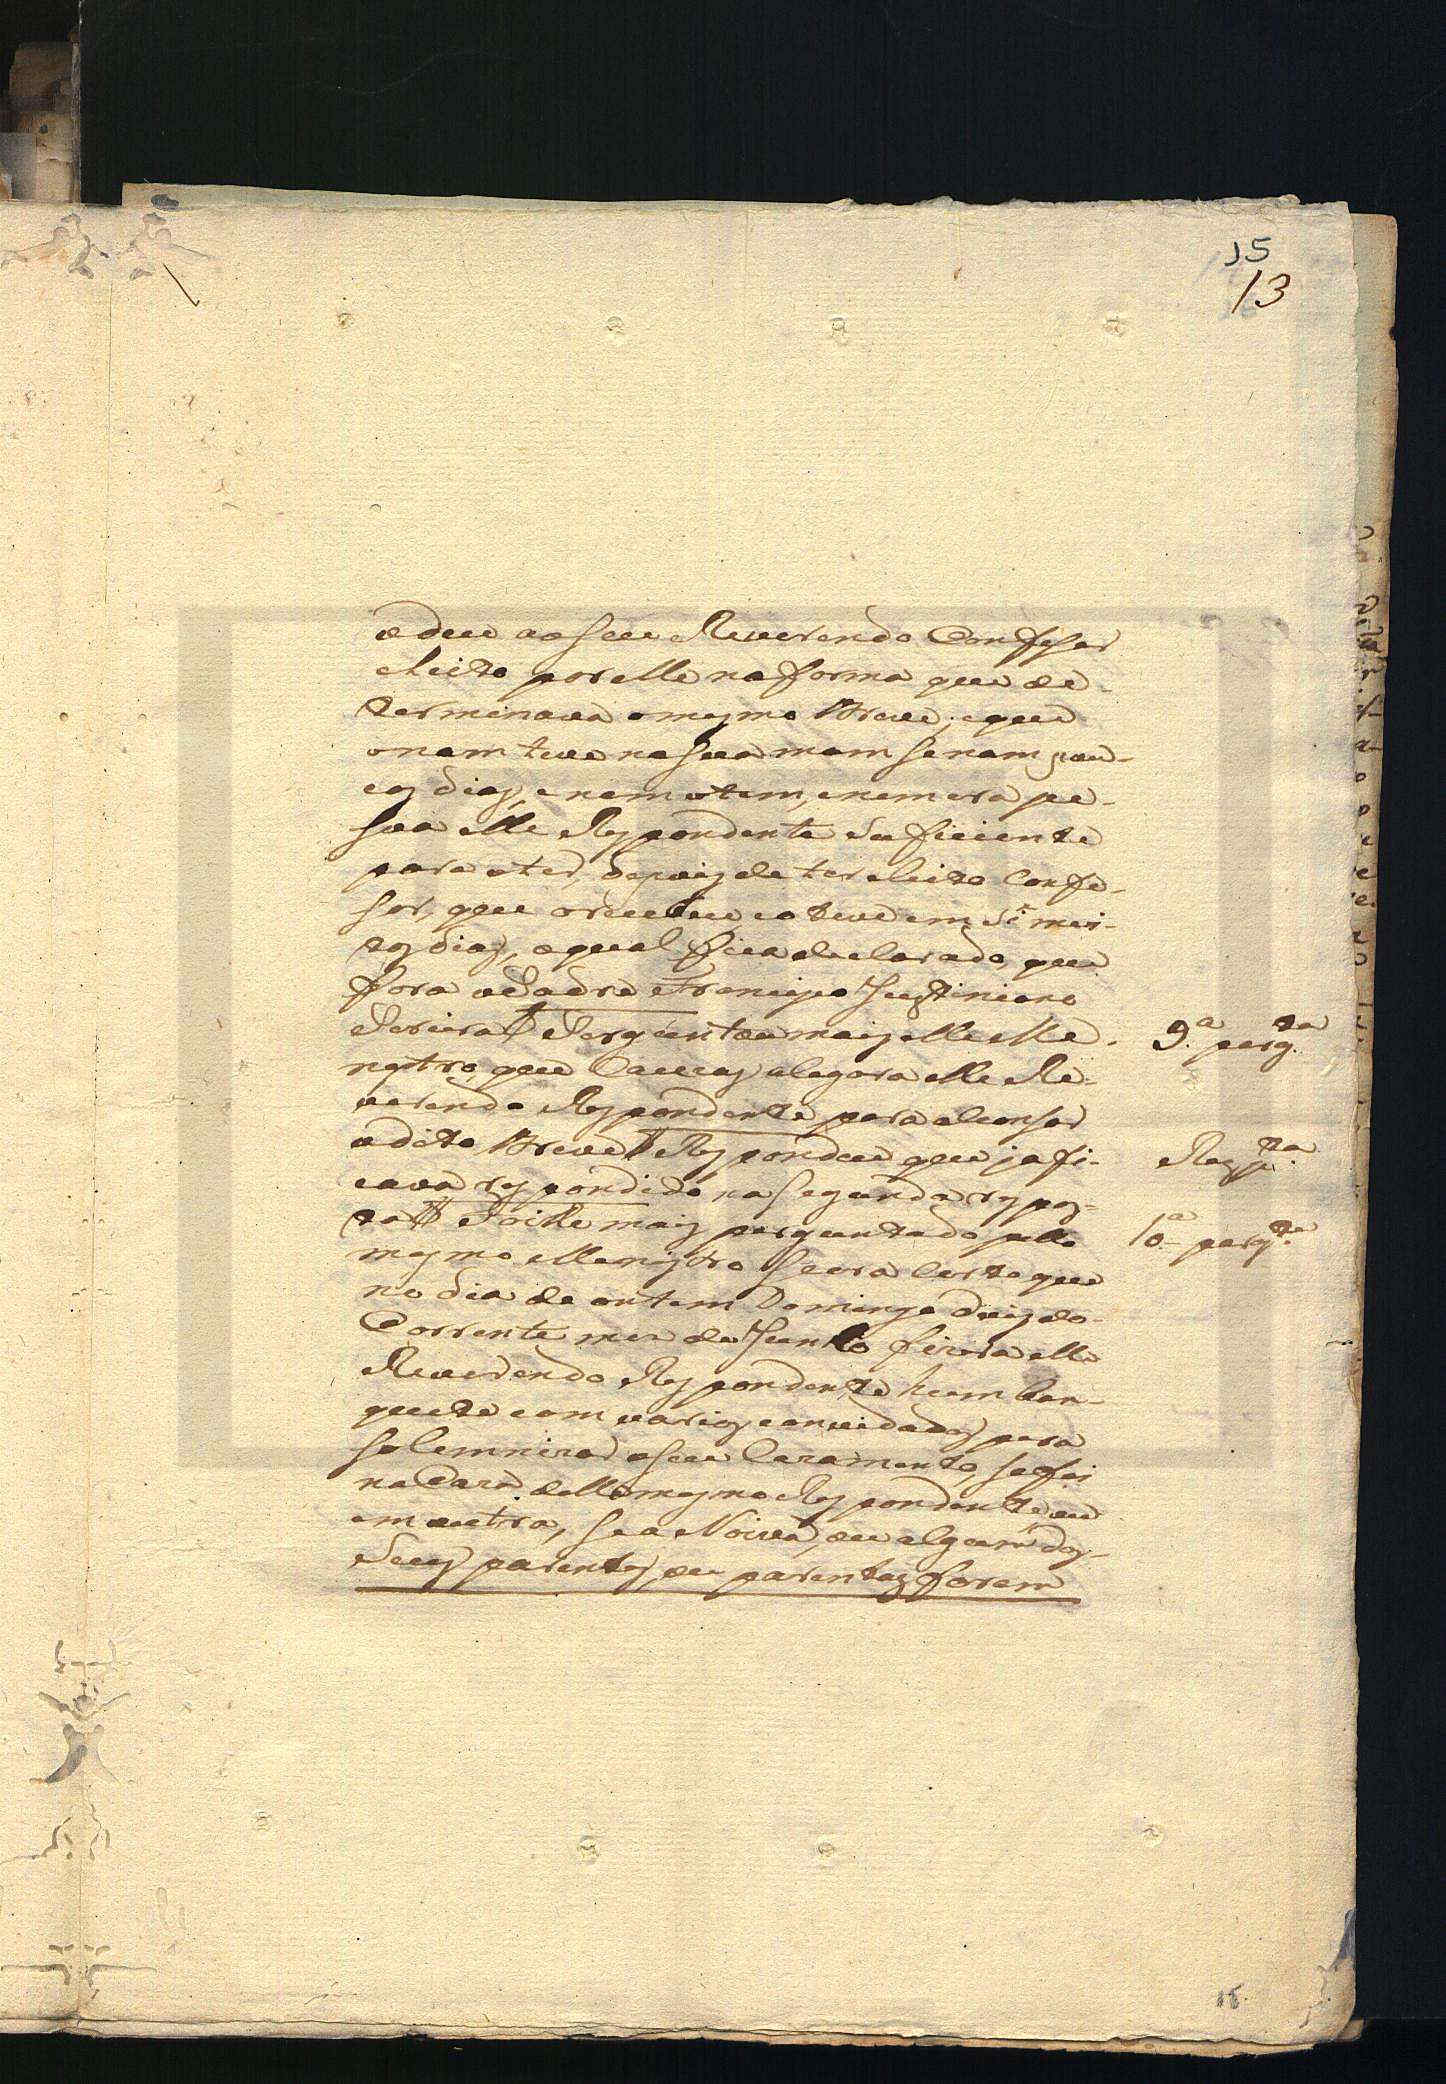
o deu ao seu Reverendo Confesor
eleito por elle na forma que de
terminava o mesmo Breve; e que
o nam teve na sua mam senam pou
cos dias, e nem o tem, e nem era pe
soa elle e Respondenta suficiente
para a ter, depois de ter eleito confe
sor, que a recebece, e o teve em si miu
tos dias, o qual fica declarado, que
fora o Padre Francisco Justiniano
Pereira ? Perguntou mais elle ME
nistro, que Couzas elegera elle Re
verendo Respodente para alcansar
o dito Breve ? Repondeu que ja fi
cava respondido na segunda respos
ta ? Foilhe mais perguntado pello
mesmo Menistro se era certo que
no dia de ontem Domingo duis do
corrente memz de Junho fizeraelle
Reverendo Respondente hum ban
quete com varios convidados para
solemnizar o seu Cazamento, se foi
na caza delle mesmo Respondente ou
em outra, se a Noiva, ou algum dos
seus parentes, ou parentas foram
15
15
13
9.a perg.ta
Resp.ta
10.a perg.ta
